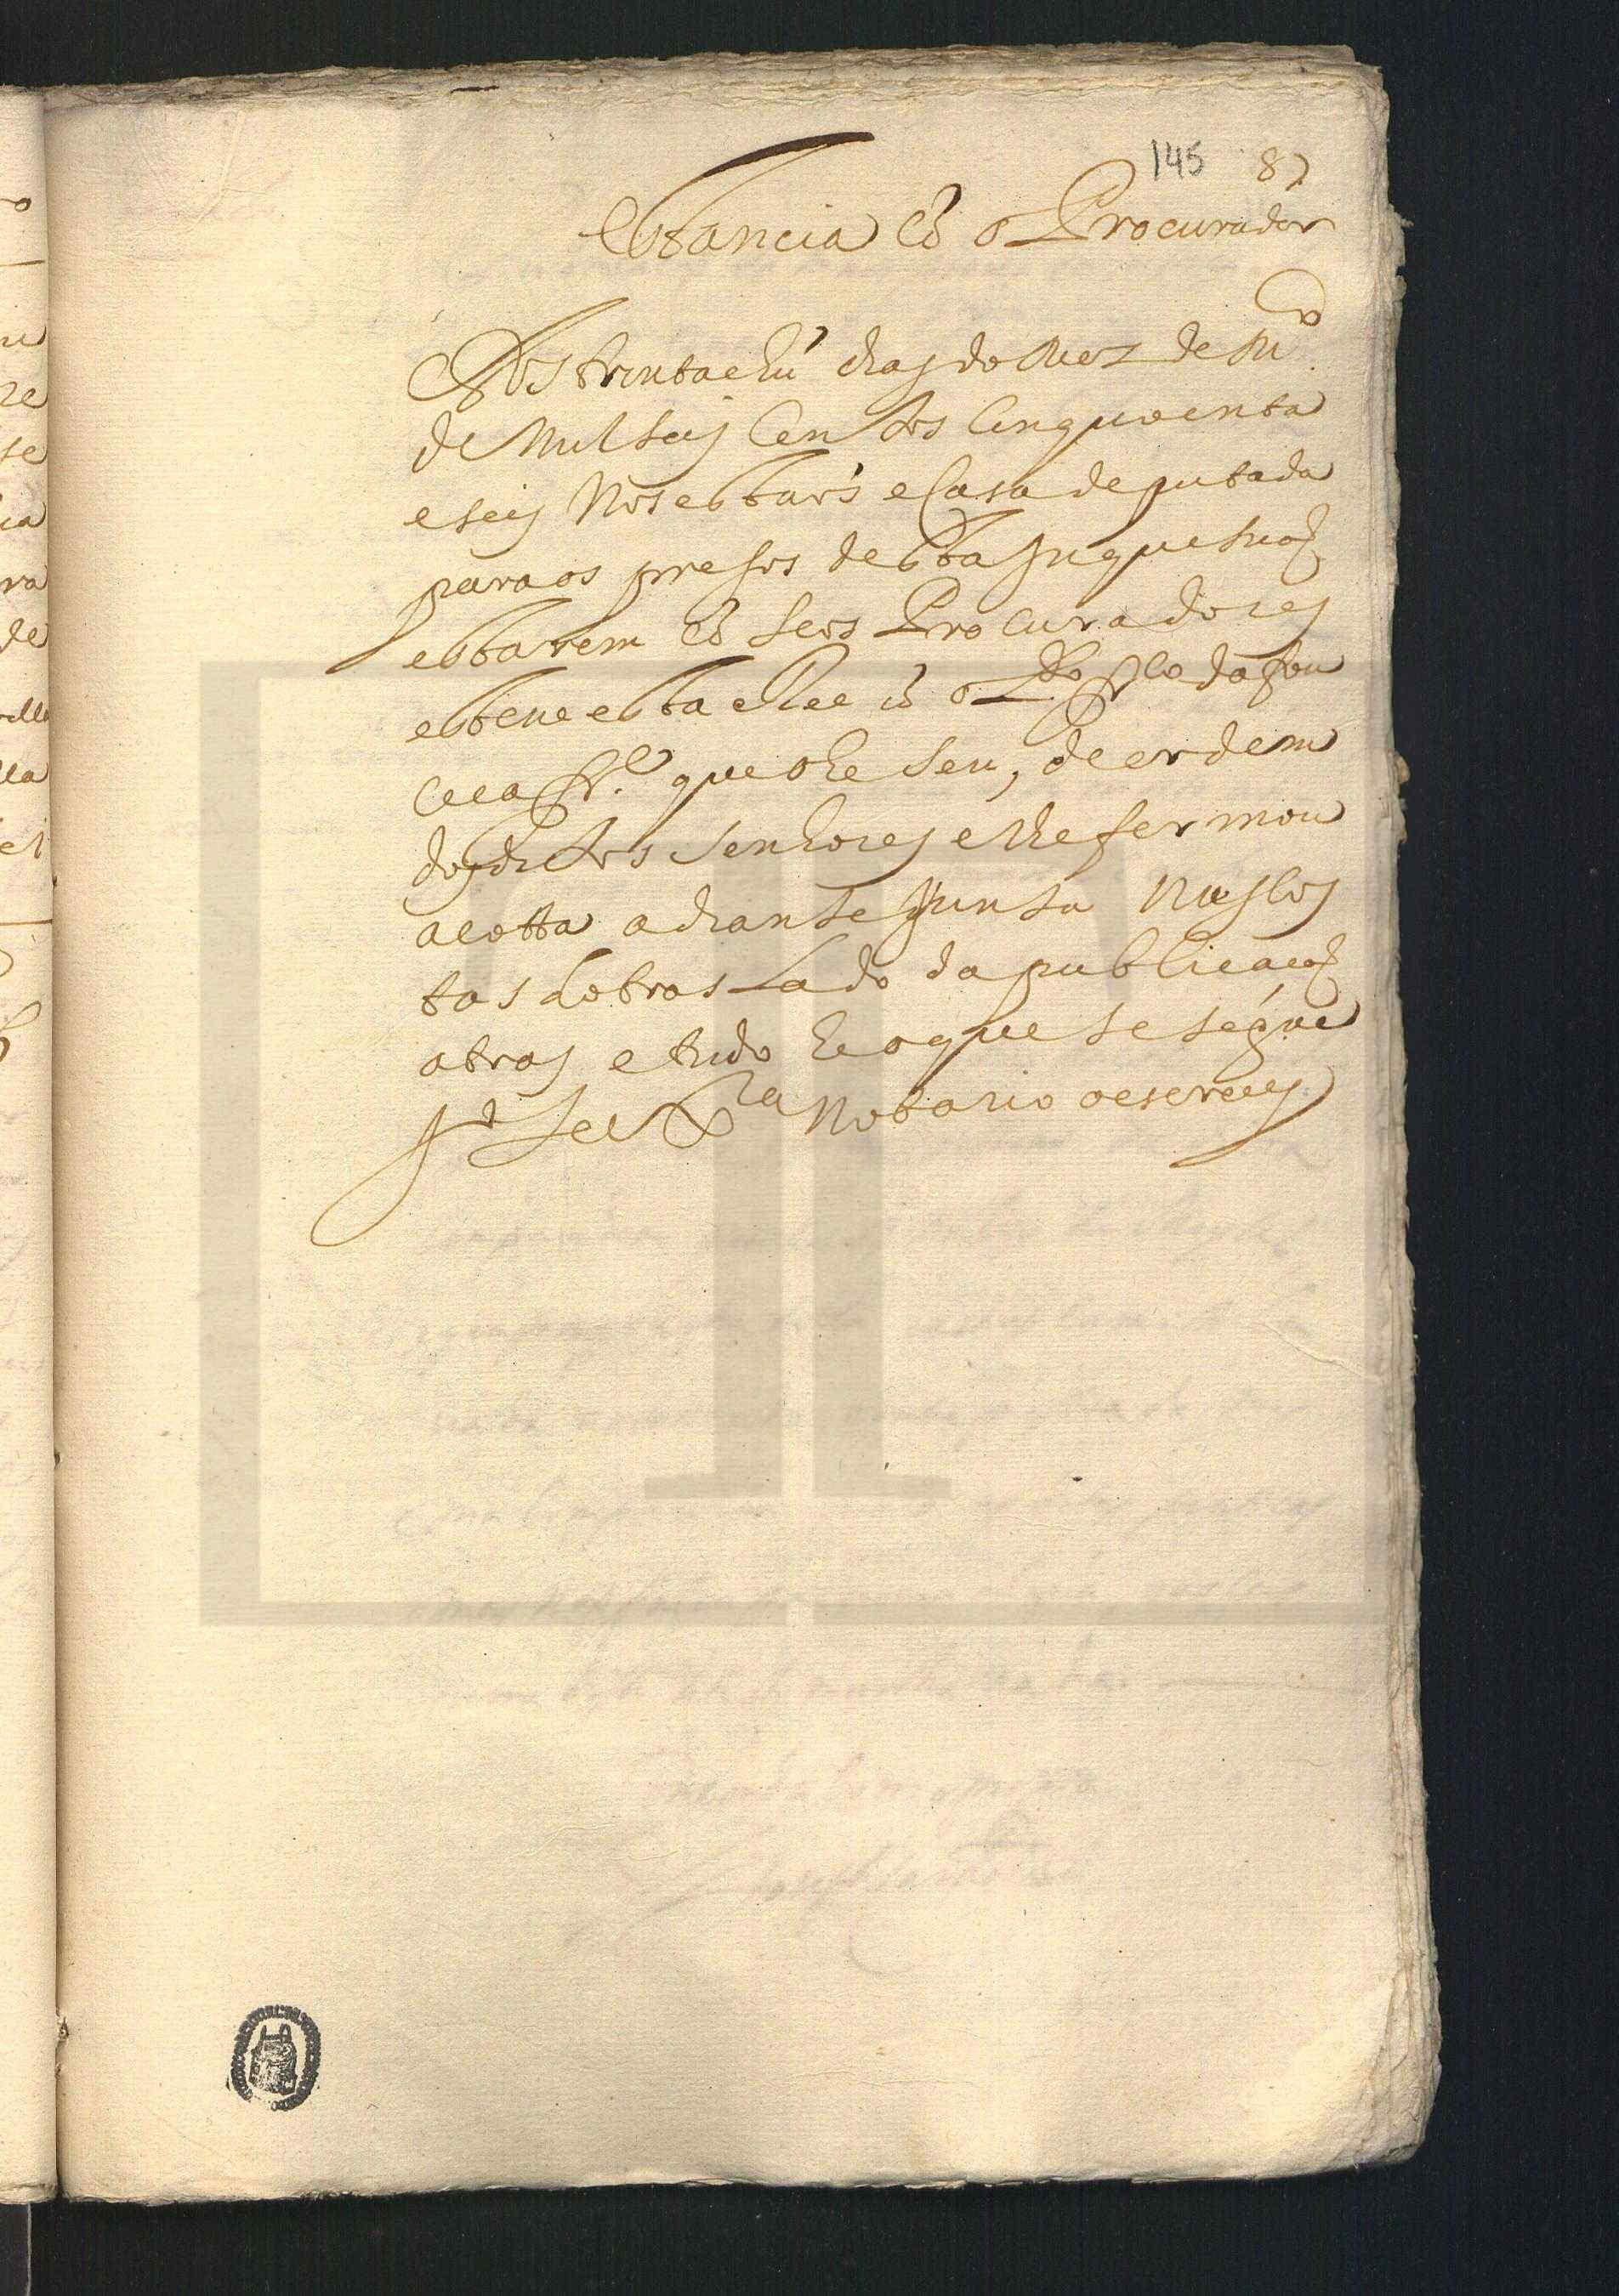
estancia cō o Procurador
Aos trinta e hū dias do Mez de ou.ro
de mil seiscentos cinquoenta
e seis nos estaos e Casa deputada
para os presos desta Jnquesiçaõ
estarem cō seos Procuradores
esteue esta Ree cō o L.do frco da fon
ceca fr.a que o he seu, de ordem
dos ditos Senhores, e lhe fermou
a cotta adiante Junta nas cos
tas do traslado da publicaçaõ
atras e tudo he o que se segue
Jo teixra notario o escreuj
